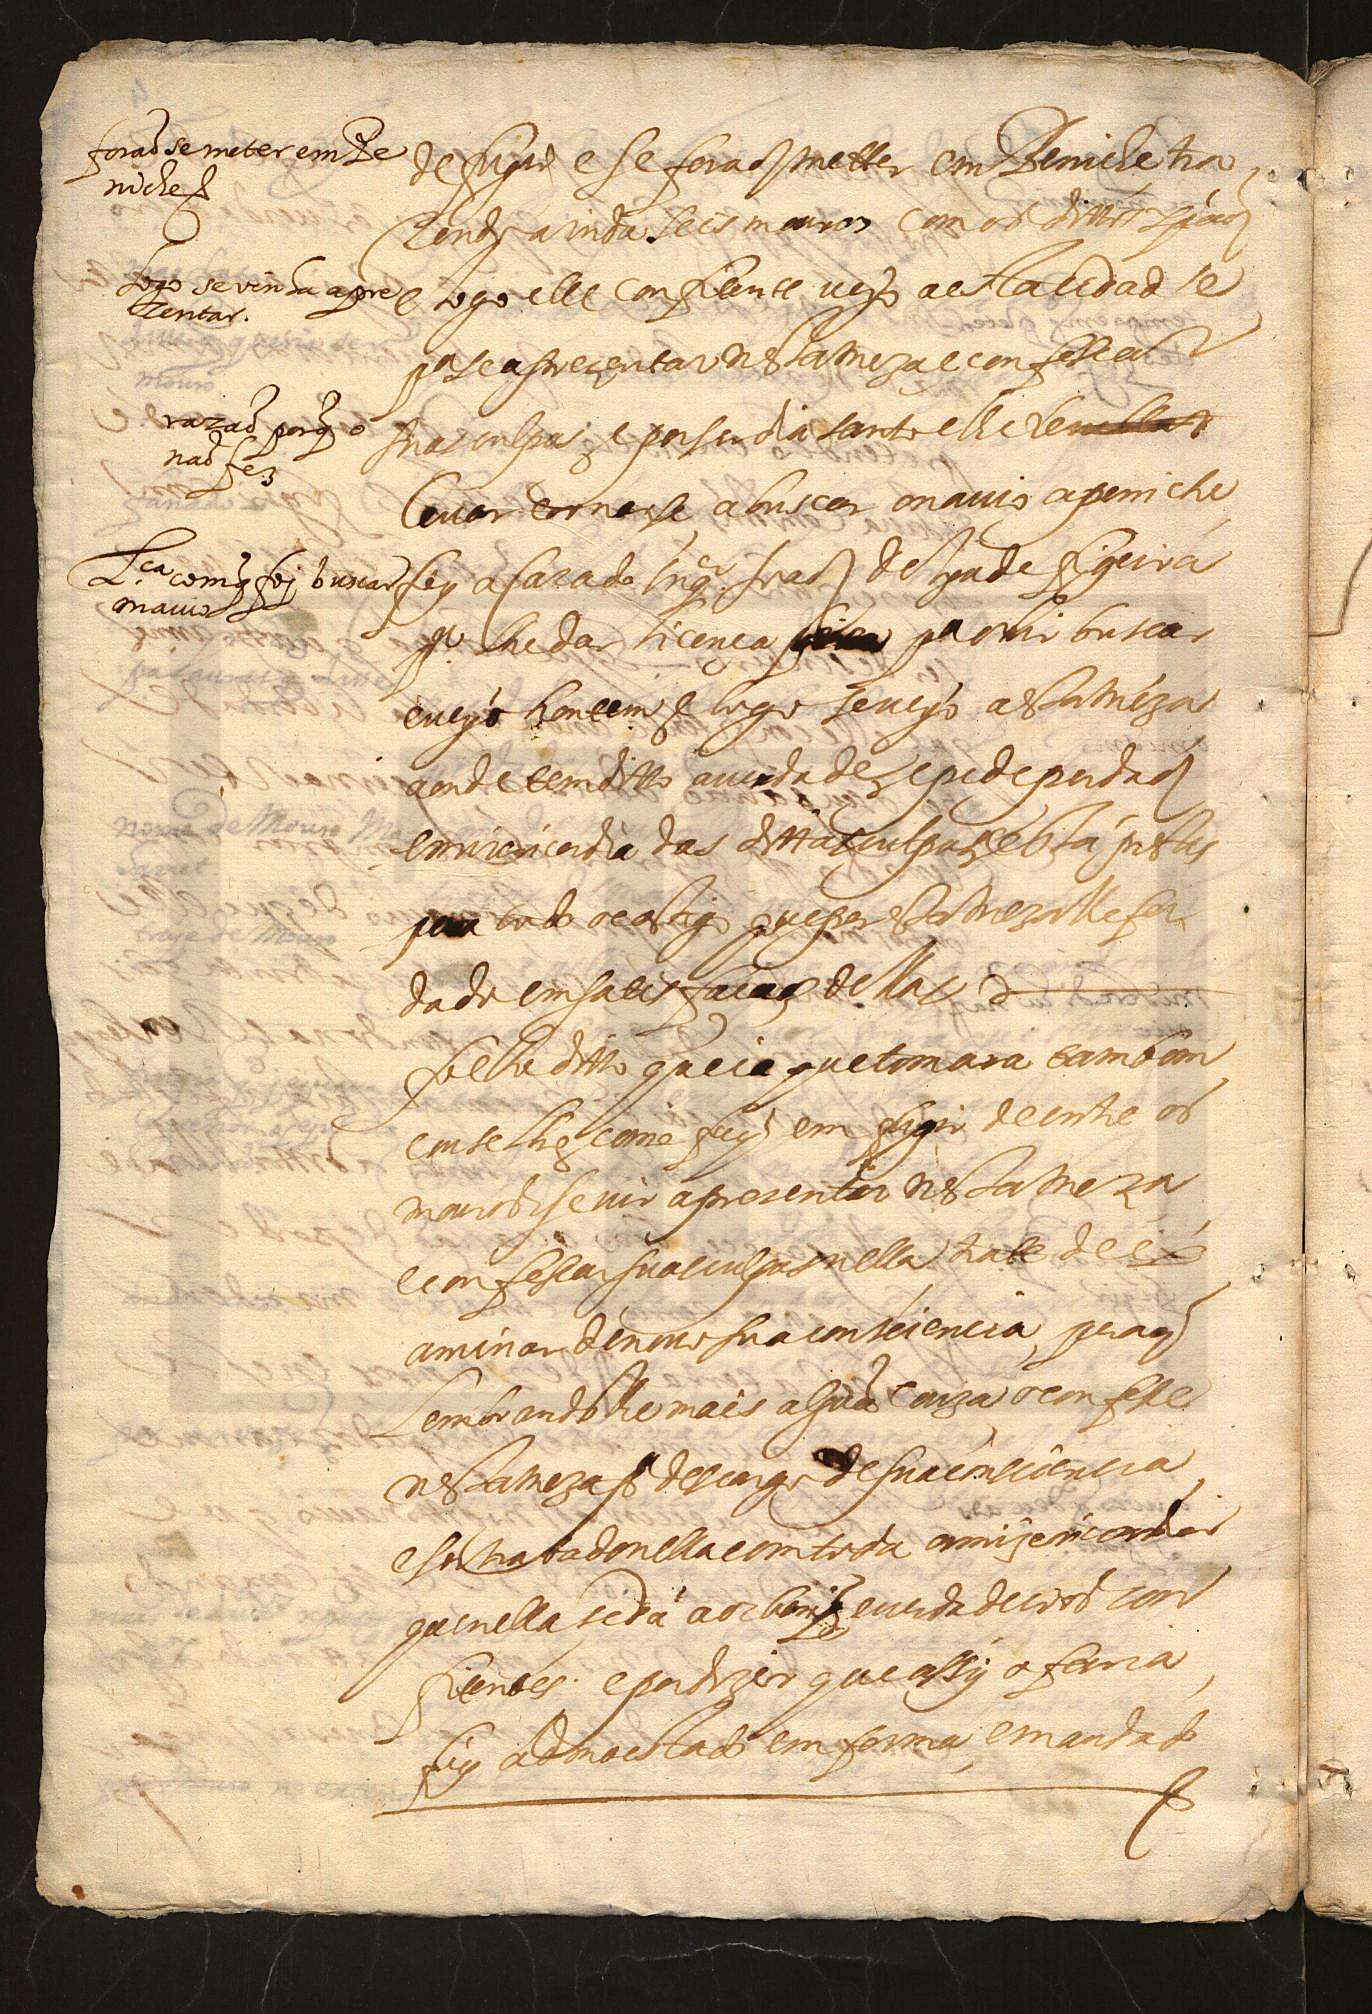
foraõ se meter em Pe
de fugir e se foraõ metter em Peniche, tra
niche
zendo ainda seis mouros com os dittos xpãos
Logo se vinha aprez
e logo elle confitente ueyo a esta cidade
zentar.
pa se aprezentar nesta meza e confessar
razaõ porq̄ o
suas culpas e por ser dia santo e lhe reuellar
naõ fez
leuar tornarse a buscar o nauio a peniche
L.ça com q̄ foj buscar
foy a Caza do Inq.or Joaõ delgado figeira
o nauio
pa. lhe dar licença _ pa o hir buscar
e ueyo hontem e logo se ueyo a esta meza
aonde tem ditto a uerdade e pede perdaõ
e mizericordia das dittas culpas e está prestes
pera tudo o castigo que por esta meza lhe for
dado em satisfaçaõ della //
foelhe ditto que ia que tomara tam bom
conselho como fuy em fugir de entre os
mouros e se uir aprezentar nesta meza
e confessar suas culpas nella trate de ex
aminar de nouo sua consciencia, pera q̄
Lembrandolhe mais alguā couza o confesse
nesta meza pa descargo de sua consciencia
e ser tratado nella com toda a mizericordia
que nella se dá aos boms e uerdadeiros con
fitentes. e por dizer que assy o faria
foy admoestado em forma, e mandado
